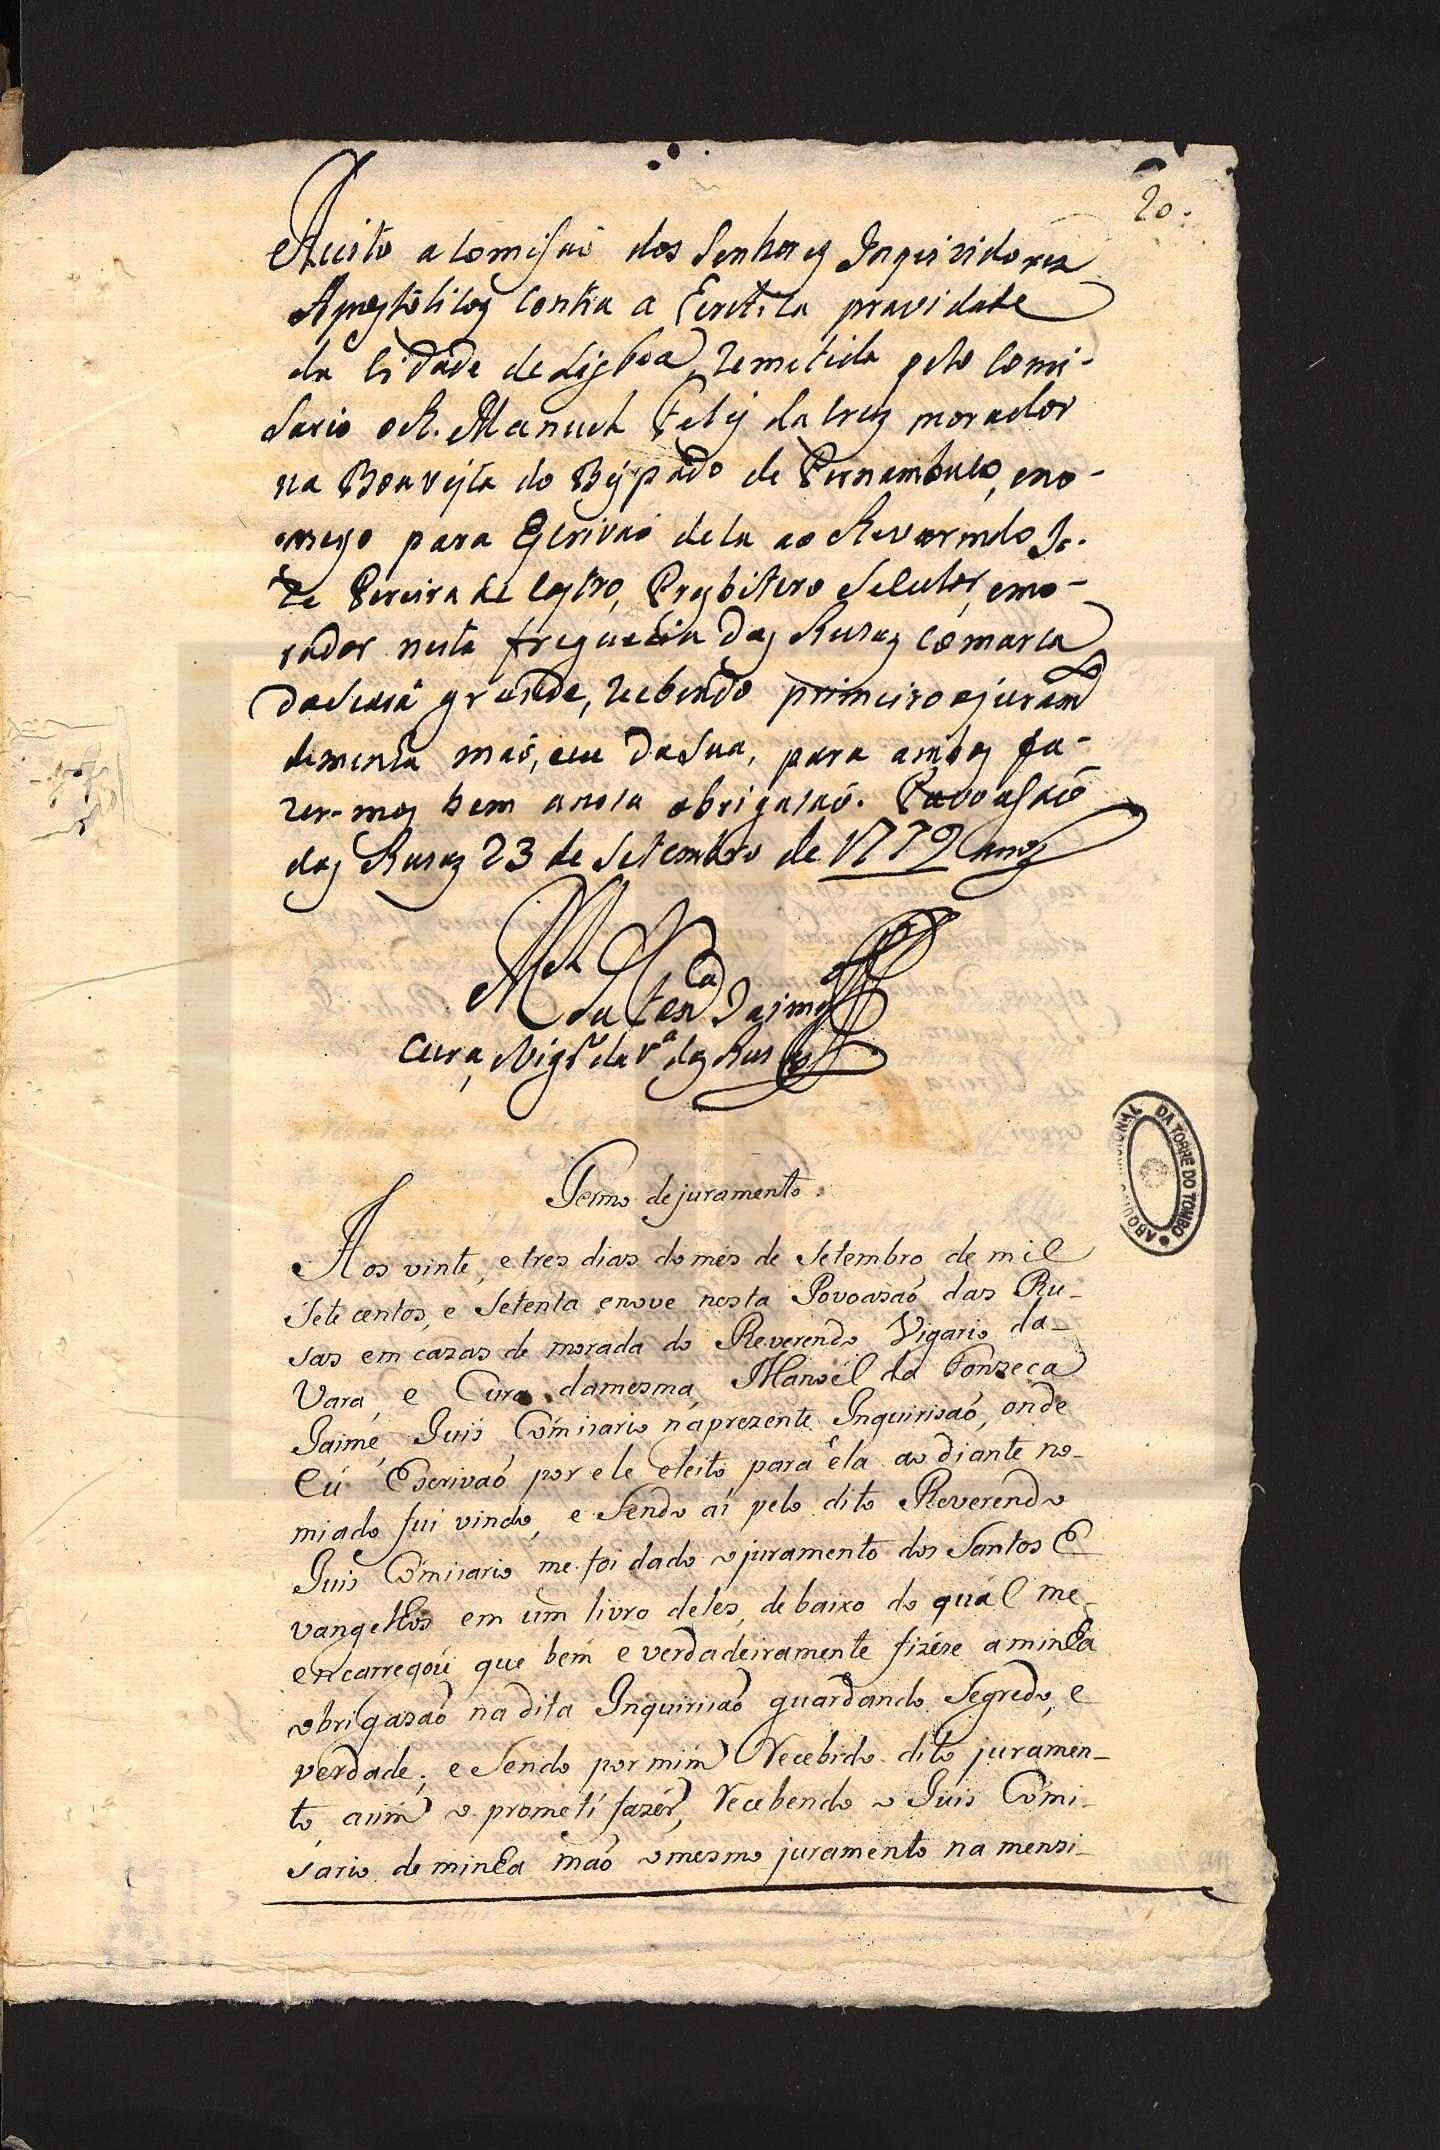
Aceito a comisao dos senhorez Inquizidorez
Apostolicos contra a heretica pravidade
da cidade de Lisboa, Remetida pelo comi
sario o R. ManueL Felis da Cruz morador
na Boavista do Bispado de Pernambuco, e no
meyo para Escrivaõ dela ao Reverendo Jo
ze Pereira de castro, Presbitero seCular, e mo
rador nesta freguezia das Rusaz comarca
do seará grande, Recebendo primeiro o juram.to
de minha maõ, e eu da sua, para ambos fa
zer-mos bem a nosa obrigasaõ. Povoasaõ
das Rusaz 23 de Setembro de 1779 annoz
M.el da Fonca Iaime
cura, e Vigr.o da V.a dos Rusas
Termo de juramento.
Aos vinte, e tres dias do mes de Setembro de mil
Setecentos, e Setenta e nove nesta Povoasaõ das Ru
sas em cazas de morada do Reverendo Vigario da
Vara, e Cura da mesma, Manoel da Fonzeca
Iaime, Iuis Com̄isario na prezente Inquirisaõ, onde
Eu Escrivaõ por ele eleito para ela ao diante no
miado fui vindo, e sendo aí pelo dito Reverendo
Iuis Com̄isario me foi dado o juramento dos Santos E
vangelhos em um livro deles debaixo do qual me
encarregou que bem e verdadeiramente fizese a minha
obrigasaõ na dita Inquirisaõ guardando segredo, e
verdade; e sendo por mim Recebido dito juramen
to, asim o prometi fazer, Recebendo o Iuis Com̄i
sario de minha maõ o mesmo juramento na mensi
